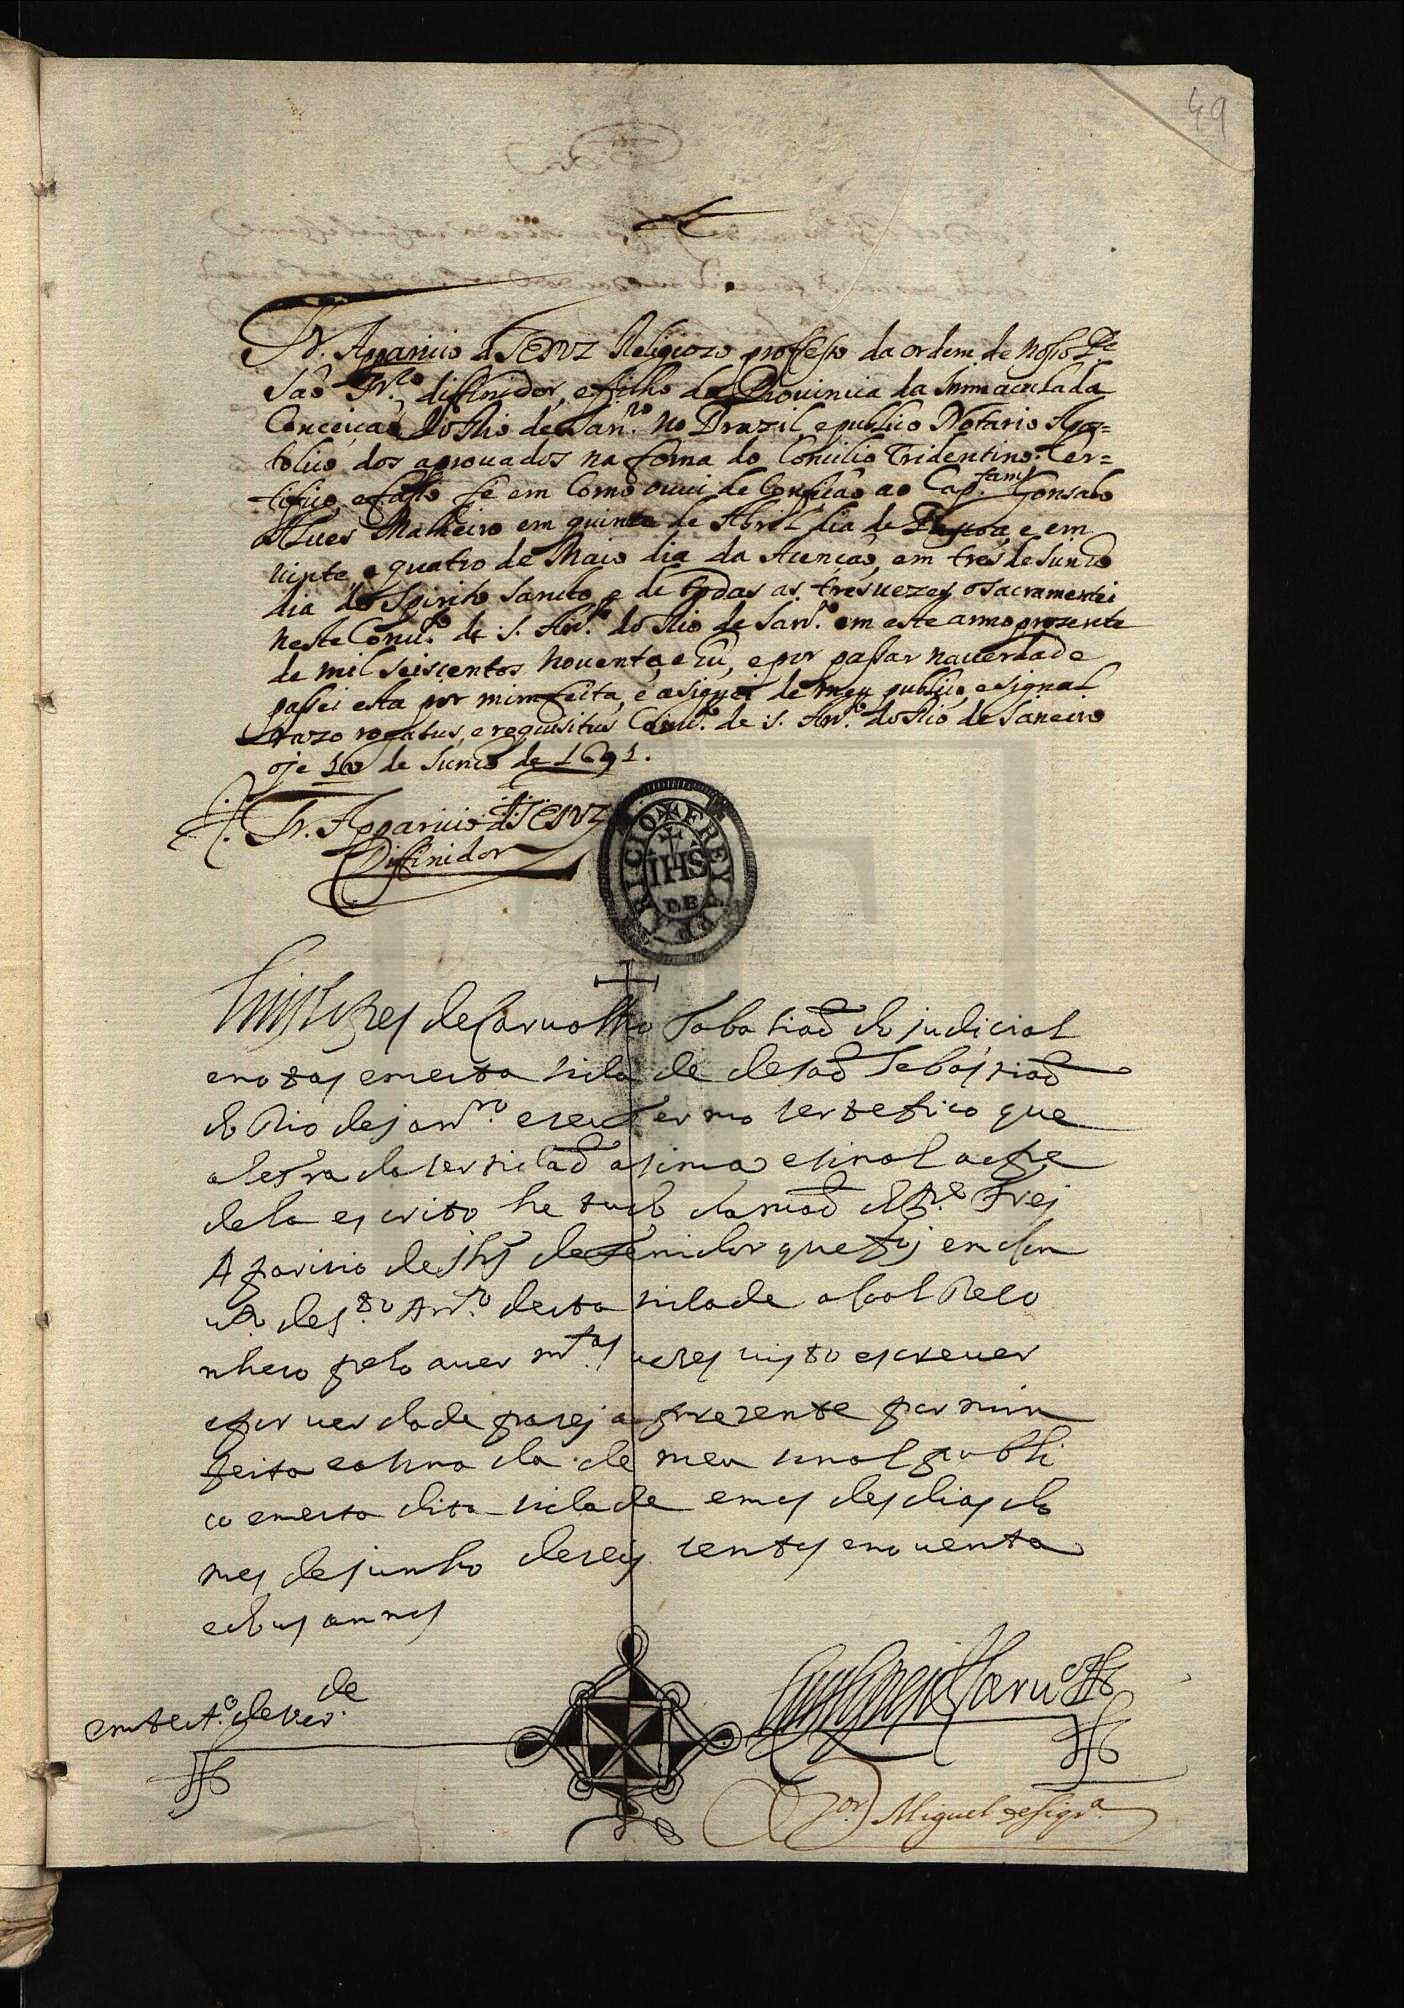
Fr. Apparicio d IEZUS Religiozo professo da ordem de nosso P.e
São Fr.co diffinidor, e filho da Prouincia da Inmaculada
Conceiçaõ do Rio de Ian.ro no Brazil e publico Notario Apos
tolico dos aprouados na forna do Concilio Tridentino. Cer
tifico e fasso fe em Como ouui de Confiçaõ ao Cap.tam Gonsalo
ALues Malheiro em quinze de Abril dia de P_scoa, e em
uinte e quatro de Maio dia da Asençaõ, em tres de Iunho
dia do Spirito Sancto, e de todas as tres uezes o sacramentei
neste Conu.to de S. An.to do Rio de Ian.ro em este anno prezente
de mil seiscentos nouenta, e hū, e por passar na uerdade
passei esta por mim feita, e asignei de meu publico, e signal
razo rogatus, e requisitus Conu.to de S. An.to do Rio de Ianeiro
oje 10 de Iunho de 1691.
Fr. Apparicio d̄ IESVZ
Diffinidor
luis lopes de Carualho Tabaliaõ do judicial
e notas em esta cidade de saõ Sebastiaõ
do Rio de janr.o e seu Termo certifico que
a letra na certidaõ asima e sinal ao pe
dela escrito he tudo da maõ d P.e Frej
Aparicio de Ihs̄ deFenidor que foj em o Con
ut.o de s.to An.to desta cidade a Coal Reco
nheço pelo auer m.tas vezes uisto escreuer
e por uerdade pasej a prezente por min
feita e asinada de meu sinal publi
co em esta dita cidade em os des dias do
mes de junho de seiscentos e nouenta
e dous annos
luis lopes d̄ Caruo
em test.o de ver.de
O D.or Miguel de siqra.
